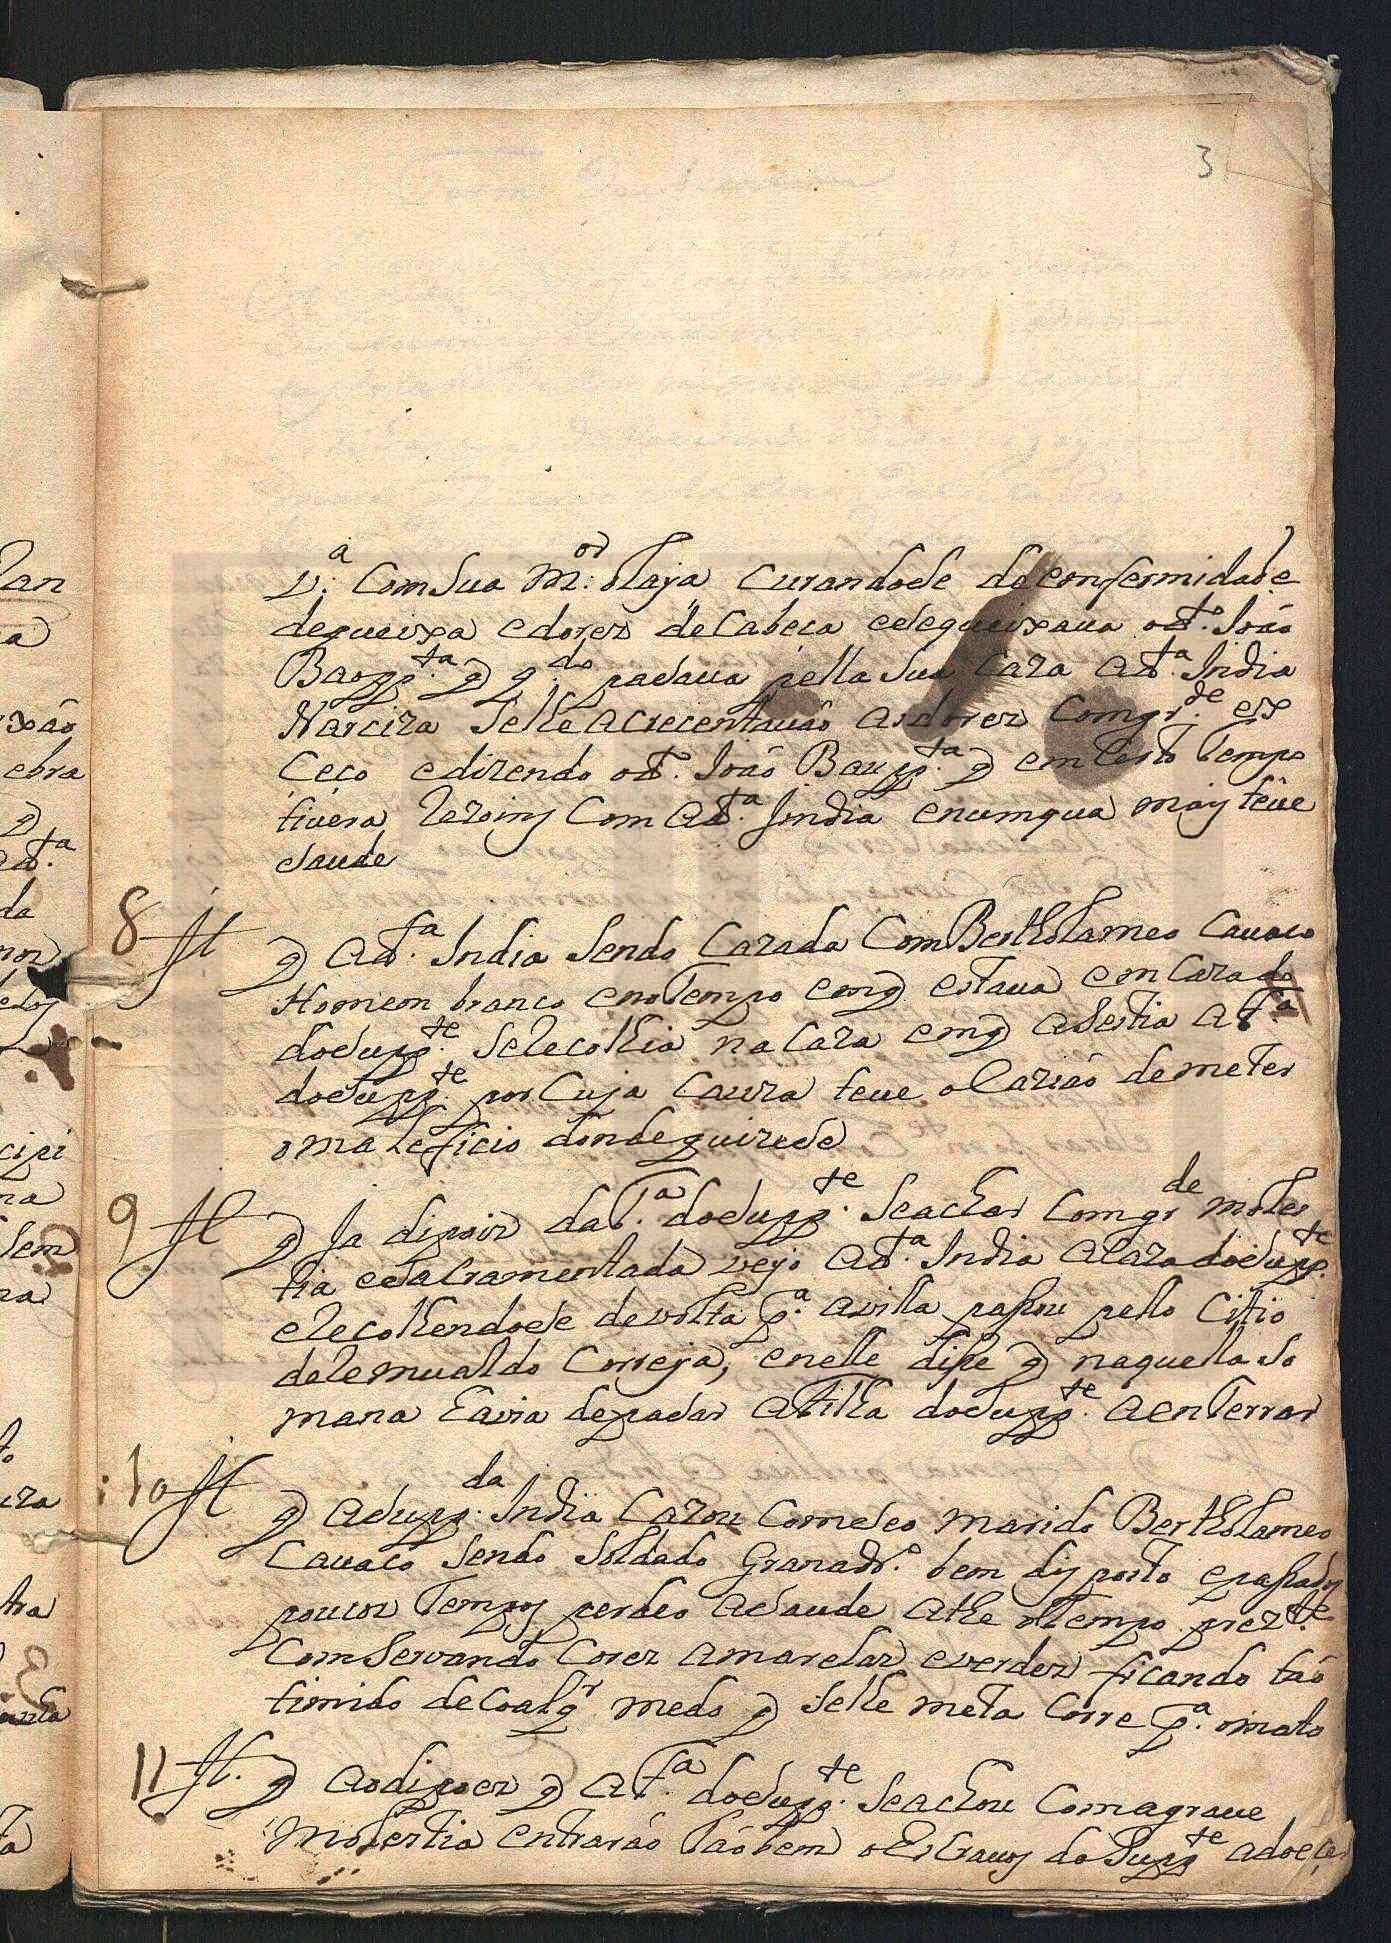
v.a com sua m:er oLaya, curandose da emfermidade
de queixa e dorez de cabeça e se queixava o dt.o Ioão
Baopp.ta q̄ q.d pasava pella sua caza a dt.a India
Narciza se lhe acrescentauaõ as dorez com gr.de ex
çeço e dizendo o dt.o Ioão Baupp.ta q̄ em certo Tempo
tivera Rezoins Com a dt.a Jndia e numqua mais têve
saude
q̄ a dt.a India sendo Cazada Com BerthoLameo Cavaco
8 item
Homem branco e no Tempo em q̄ estava em caza do
do supp.te se Recolhia na caza em q̄ aSestia a F.a
do Supp.te por Cuja cauza teve oCaziaõ de meter
o maleficio donde quizese
9 item q̄ Ja depoiz da F.a do supp.te se achar com gr.de moles
tia e sacramentada veyo a dt.a India a caza do supp.te
e Recolhendose de volta p.a a villa passou pello cittio
de Remualdo Correya, e nelle disse q̄ naquella so
mana havia de pasar a Filha do supp.te a enTerrar
10 item q̄ a supp.da India Cazou com seo marido Bertholameo
Cavaco sendo soldado Granadr.o bem disposto e passados
poucoz Tempos perdeo a saude athe o Tempo prez.te
comServando corez amareLaz e verdez ficando taõ
timido de coalqr medo q̄ se lhe meta corre p.a o mato
11 item q̄ ao dipoez q̄ a F.a do supp.te se achou com a grave
molestia entrarão Tãobem o Escrauos do Supp.te adoeçer
